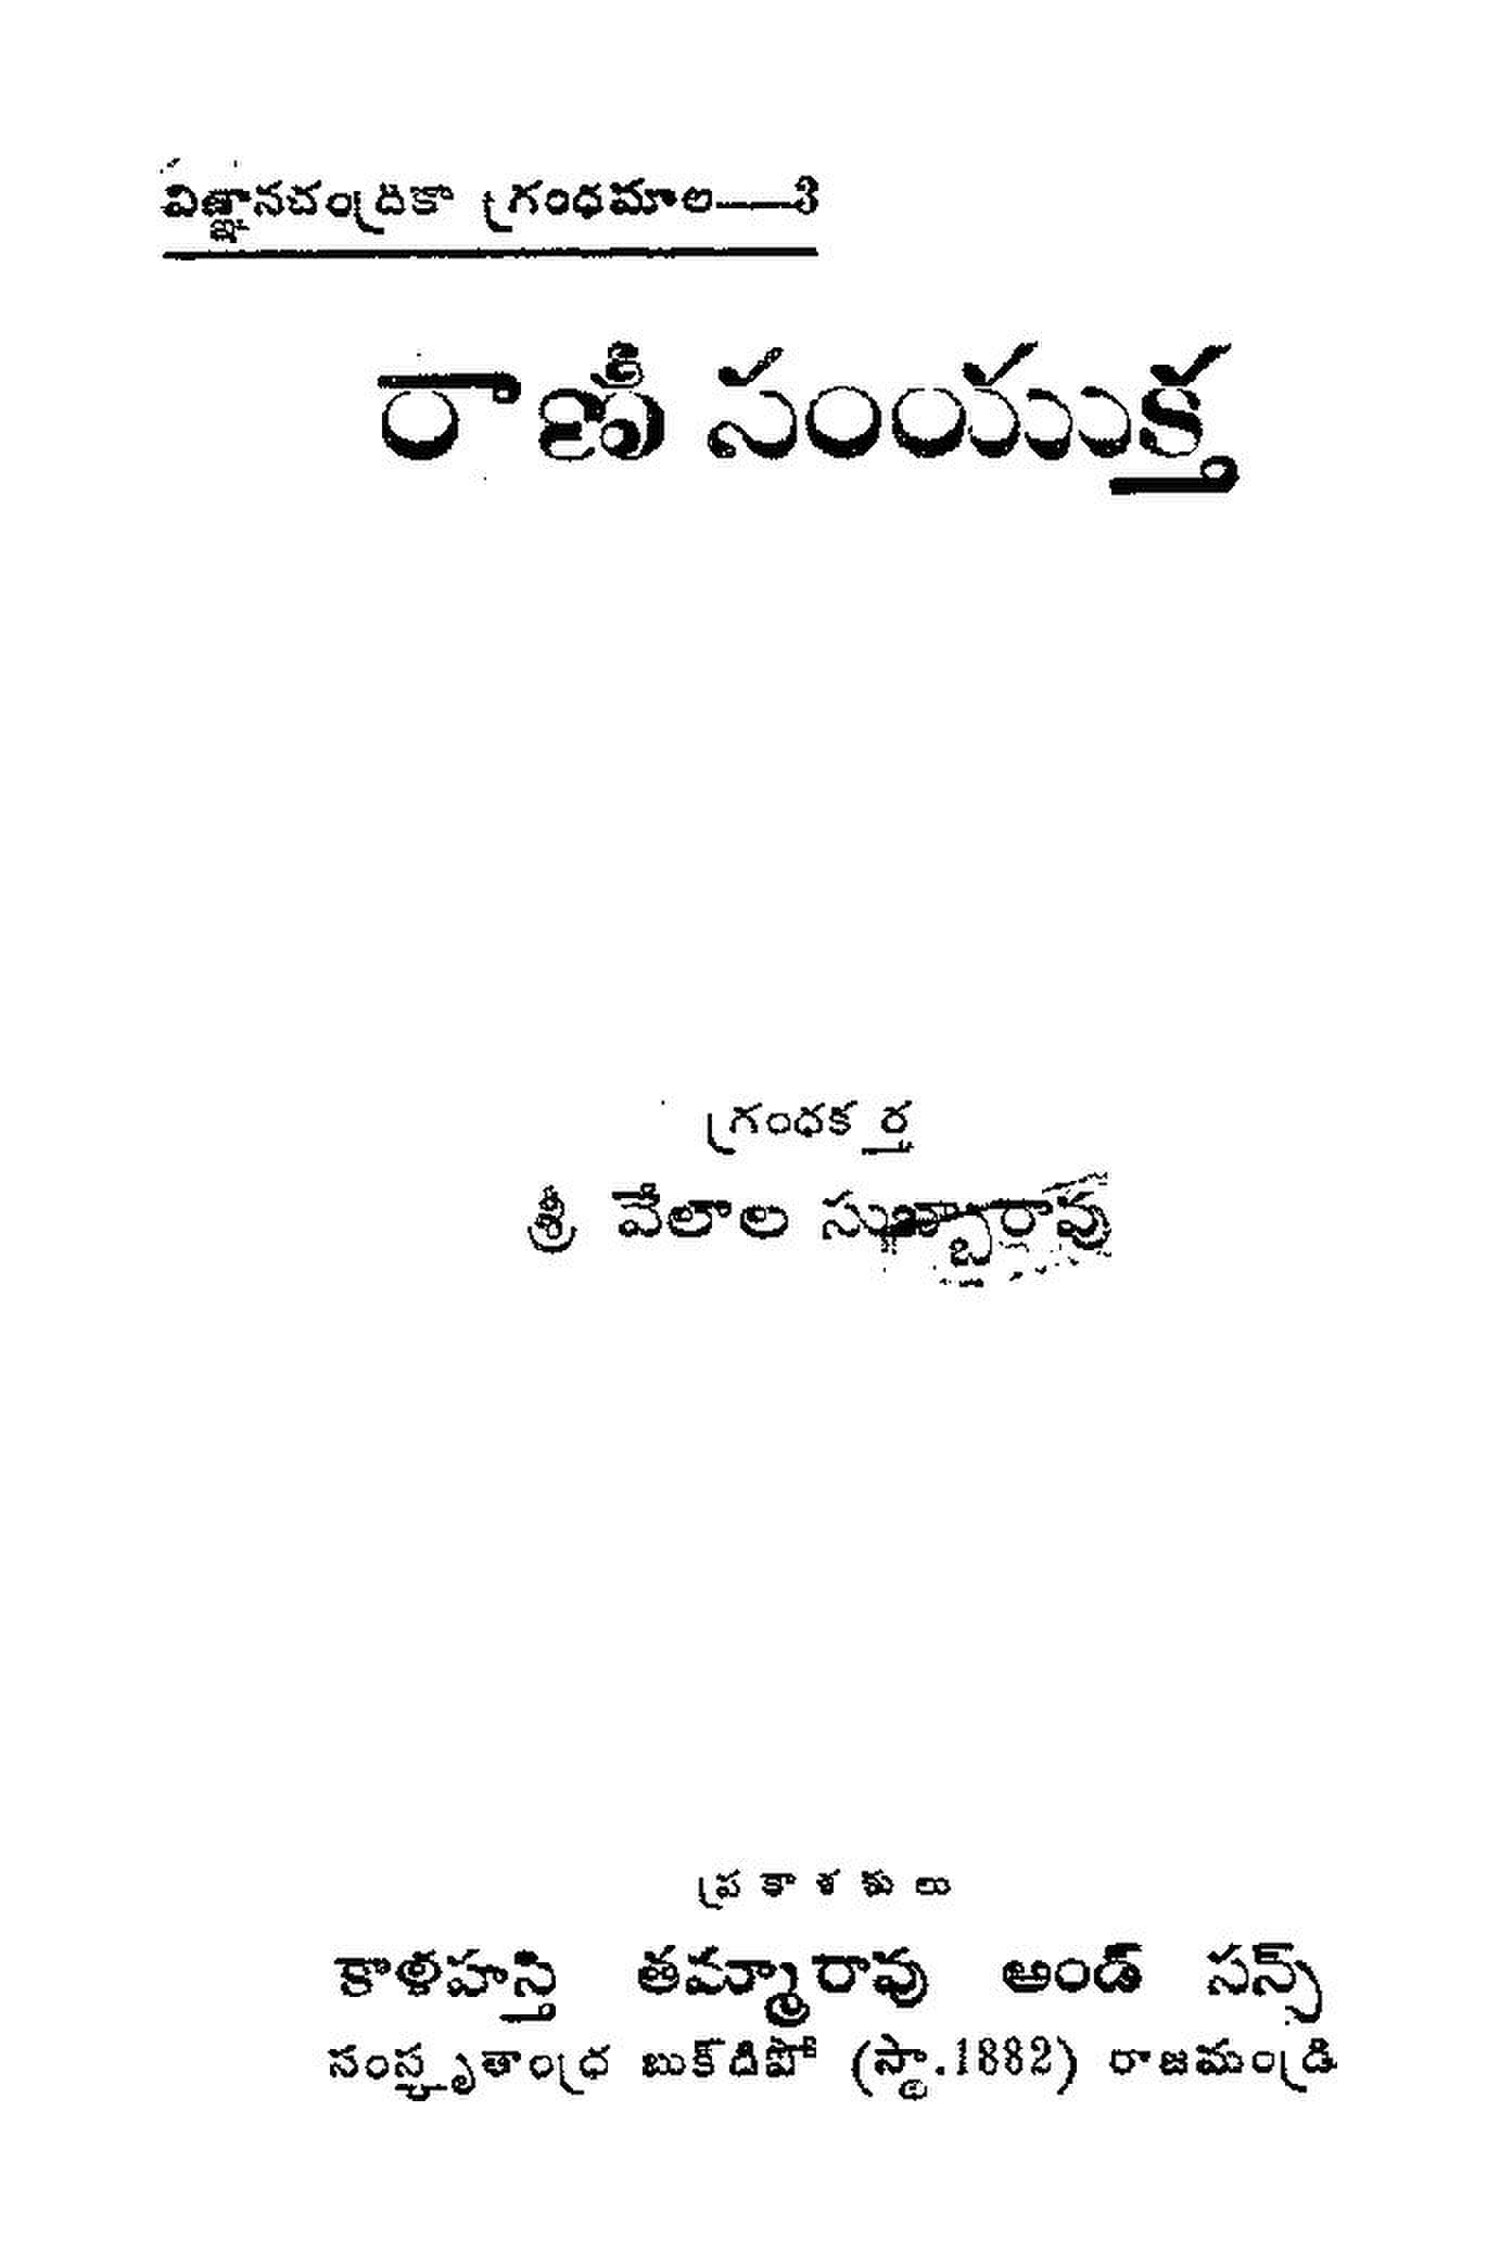రాణి సంయుక్త

గ్రంధకర్త
శ్రీ వేలాల సుబ్బారావు

ప్రకాశకులు
కాళహస్తి తమ్మారావు అండ్ సన్స్
సంస్కృతాంధ్ర బుక్‌డిపో (స్థా. 1882) రాజమండ్రి